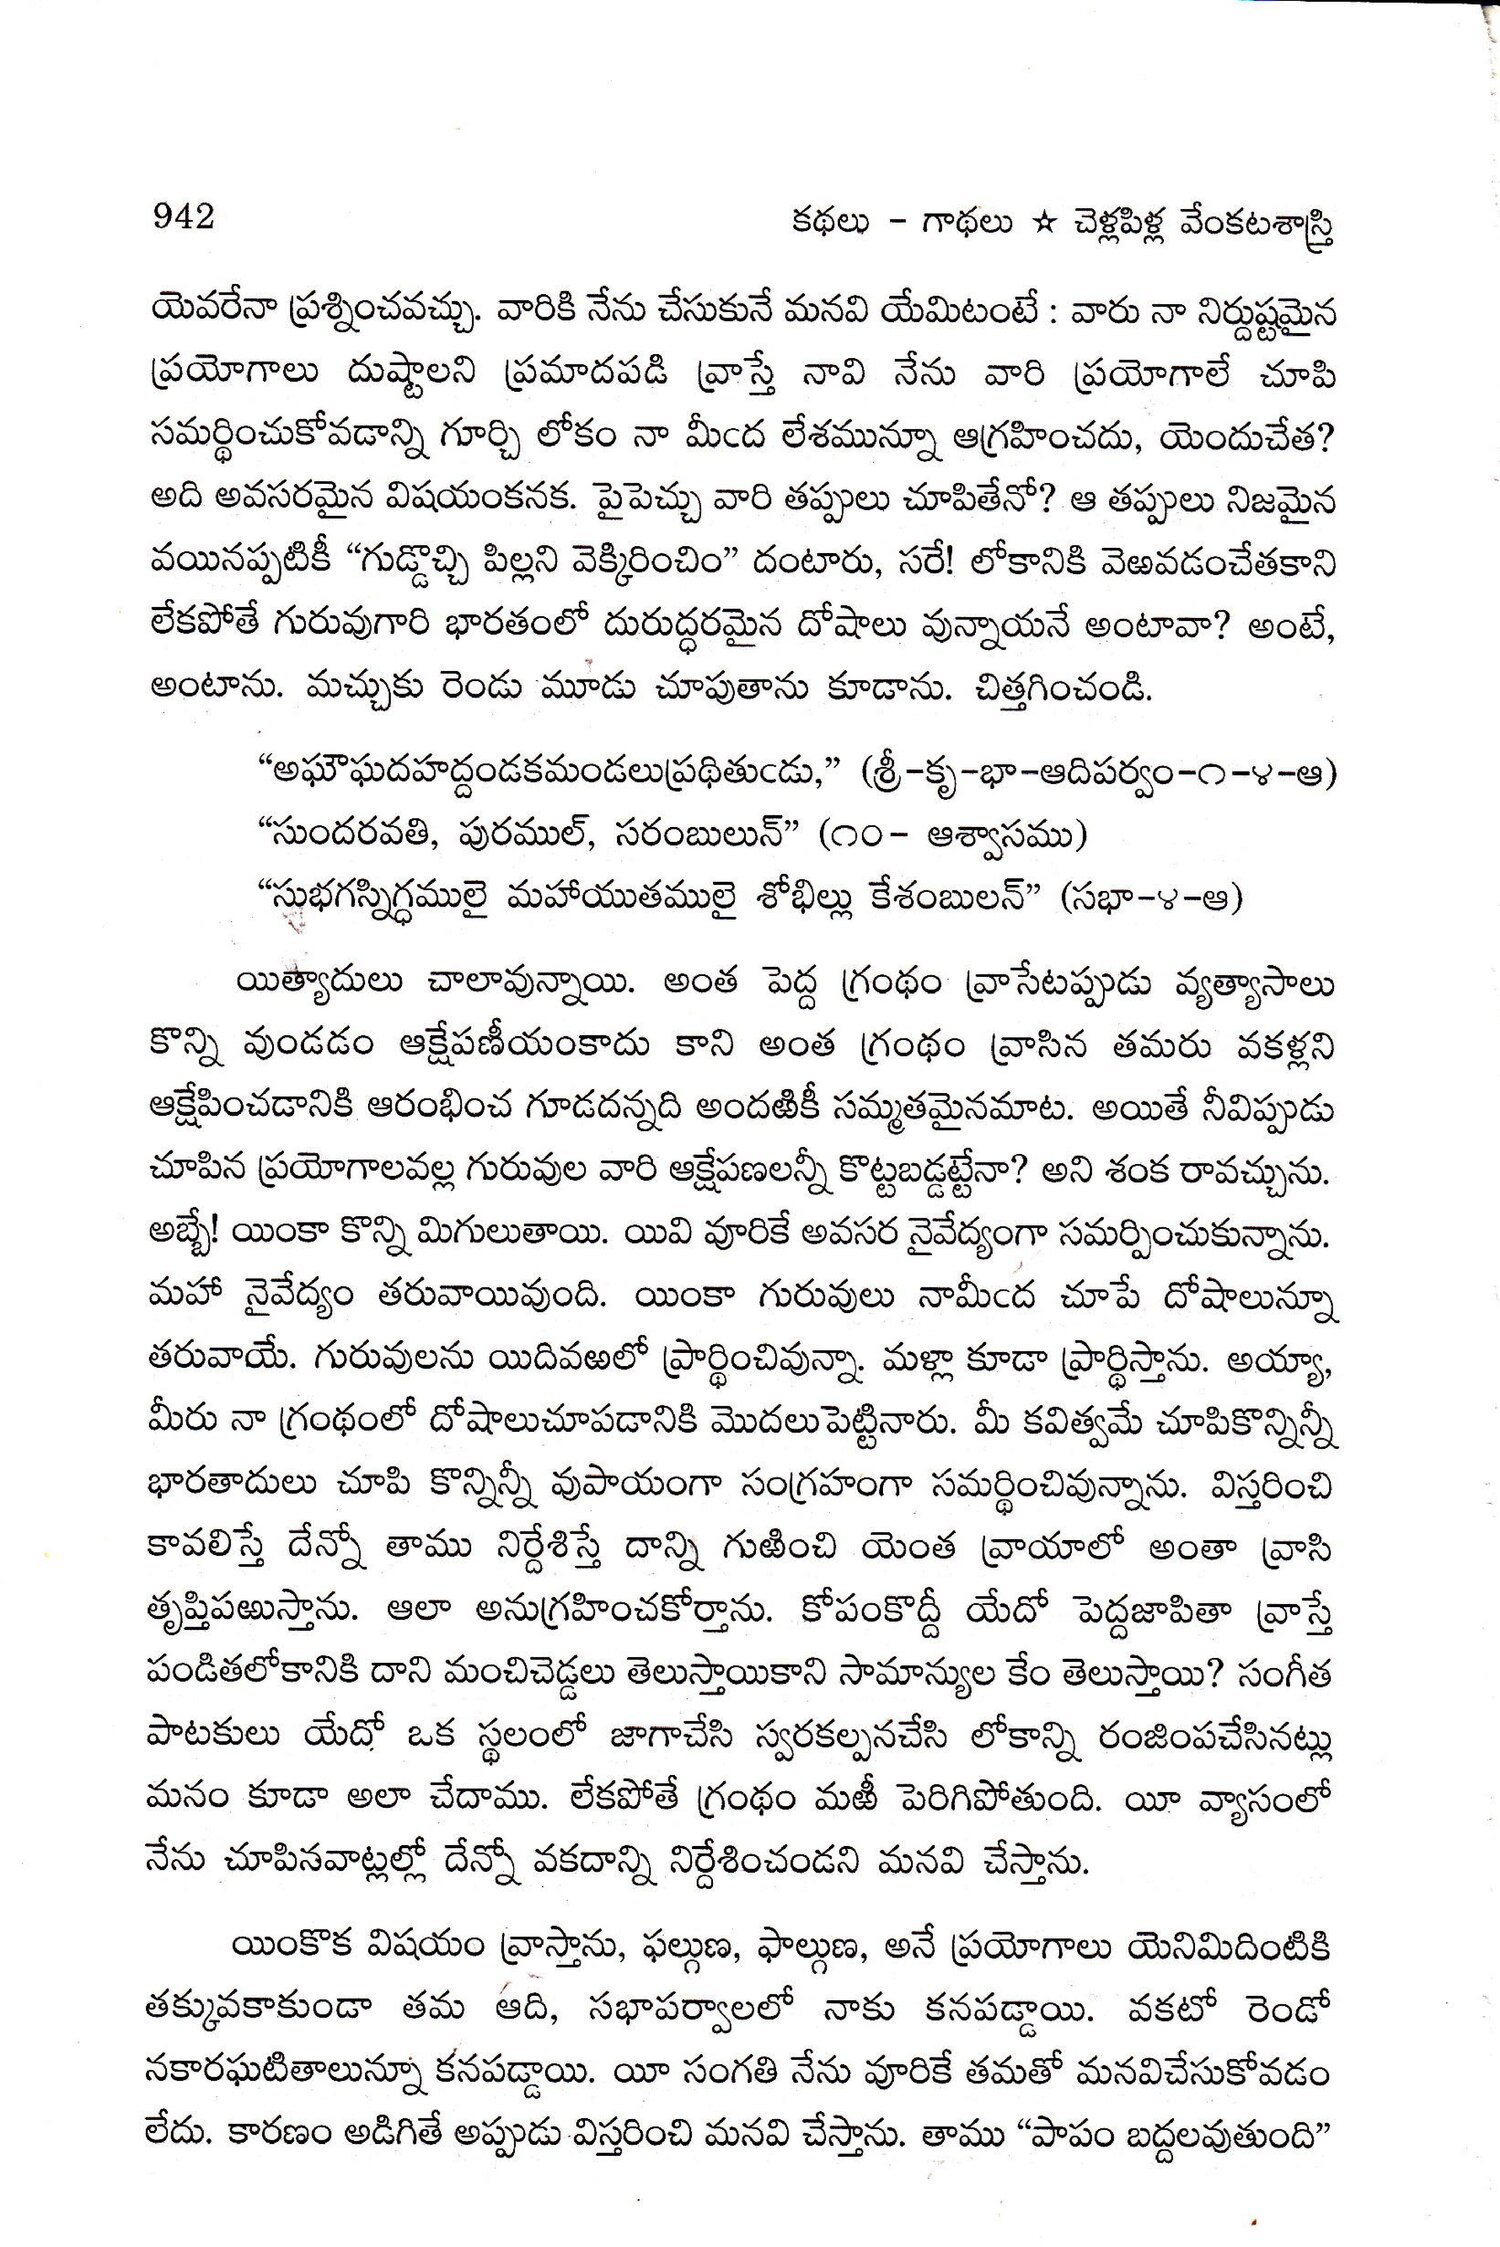యెవరేనా ప్రశ్నించవచ్చు. వారికి నేను చేసుకునే మనవి యేమిటంటే : వారు నా నిర్దుష్టమైన ప్రయోగాలు దుష్టాలని ప్రమాదపడి వ్రాస్తే నావి నేను వారి ప్రయోగాలే చూపి సమర్థించుకోవడాన్ని గూర్చి లోకం నా మీఁద లేశమున్నూ ఆగ్రహించదు, యెందుచేత? అది అవసరమైన విషయంకనక. పైపెచ్చు వారి తప్పులు చూపితేనో? ఆ తప్పులు నిజమైన వయినప్పటికీ "గుడ్డొచ్చి పిల్లని వెక్కిరించిం” దంటారు, సరే! లోకానికి వెఱవడంచేతకాని లేకపోతే గురువుగారి భారతంలో దురుద్ధరమైన దోషాలు వున్నాయనే అంటావా? అంటే, అంటాను. మచ్చుకు రెండు మూడు చూపుతాను కూడాను. చిత్తగించండి.

“అఘౌఘదహద్దండకమండలుప్రథితుఁడు,” (శ్రీ-కృ-భా-ఆదిపర్వం-1-4-ఆ)
“సుందరవతి, పురముల్, సరంబులున్” (10 - ఆశ్వాసము)
"సుభగస్నిగ్ధములై మహాయుతములై శోభిల్లు కేశంబులన్” (సభా-4-ఆ)
యిత్యాదులు చాలావున్నాయి. అంత పెద్ద గ్రంథం వ్రాసేటప్పుడు వ్యత్యాసాలు కొన్ని వుండడం ఆక్షేపణీయంకాదు కాని అంత గ్రంథం వ్రాసిన తమరు వకళ్లని ఆక్షేపించడానికి ఆరంభించ గూడదన్నది అందఱికీ సమ్మతమైనమాట. అయితే నీవిప్పుడు చూపిన ప్రయోగాలవల్ల గురువుల వారి ఆక్షేపణలన్నీ కొట్టబడ్డట్టేనా? అని శంక రావచ్చును. అబ్బే! యింకా కొన్ని మిగులుతాయి. యివి వూరికే అవసర నైవేద్యంగా సమర్పించుకున్నాను. మహా నైవేద్యం తరువాయివుంది. యింకా గురువులు నామీఁద చూపే దోషాలున్నూ తరువాయే. గురువులను యిదివఱలో ప్రార్ధించివున్నా మళ్లా కూడా ప్రార్ధిస్తాను. అయ్యా, మీరు నా గ్రంథంలో దోషాలుచూపడానికి మొదలుపెట్టినారు. మీ కవిత్వమే చూపికొన్నిన్నీ భారతాదులు చూపి కొన్నిన్నీ వుపాయంగా సంగ్రహంగా సమర్ధించివున్నాను. విస్తరించి కావలిస్తే దేన్నో తాము నిర్దేశిస్తే దాన్ని గుఱించి యెంత వ్రాయాలో అంతా వ్రాసి తృప్తిపఱుస్తాను. ఆలా అనుగ్రహించకోర్తాను. కోపంకొద్దీ యేదో పెద్దజాపితా వ్రాస్తే పండితలోకానికి దాని మంచిచెడ్డలు తెలుస్తాయికాని సామాన్యుల కేం తెలుస్తాయి? సంగీత పాటకులు యేదో ఒక స్థలంలో జాగాచేసి స్వరకల్పనచేసి లోకాన్ని రంజింపచేసినట్లు మనం కూడా అలా చేదాము. లేకపోతే గ్రంథం మఱీ పెరిగిపోతుంది. యీ వ్యాసంలో నేను చూపినవాట్లల్లో దేన్నో వకదాన్ని నిర్దేశించండని మనవి చేస్తాను.

యింకొక విషయం వ్రాస్తాను, ఫల్గుణ, ఫాల్గుణ, అనే ప్రయోగాలు యెనిమిదింటికి తక్కువకాకుండా తమ ఆది, సభాపర్వాలలో నాకు కనపడ్డాయి. వకటో రెండో నకారఘటితాలున్నూ కనపడ్డాయి. యీ సంగతి నేను వూరికే తమతో మనవిచేసుకోవడం లేదు. కారణం అడిగితే అప్పుడు విస్తరించి మనవి చేస్తాను. తాము "పాపం బద్దలవుతుంది"